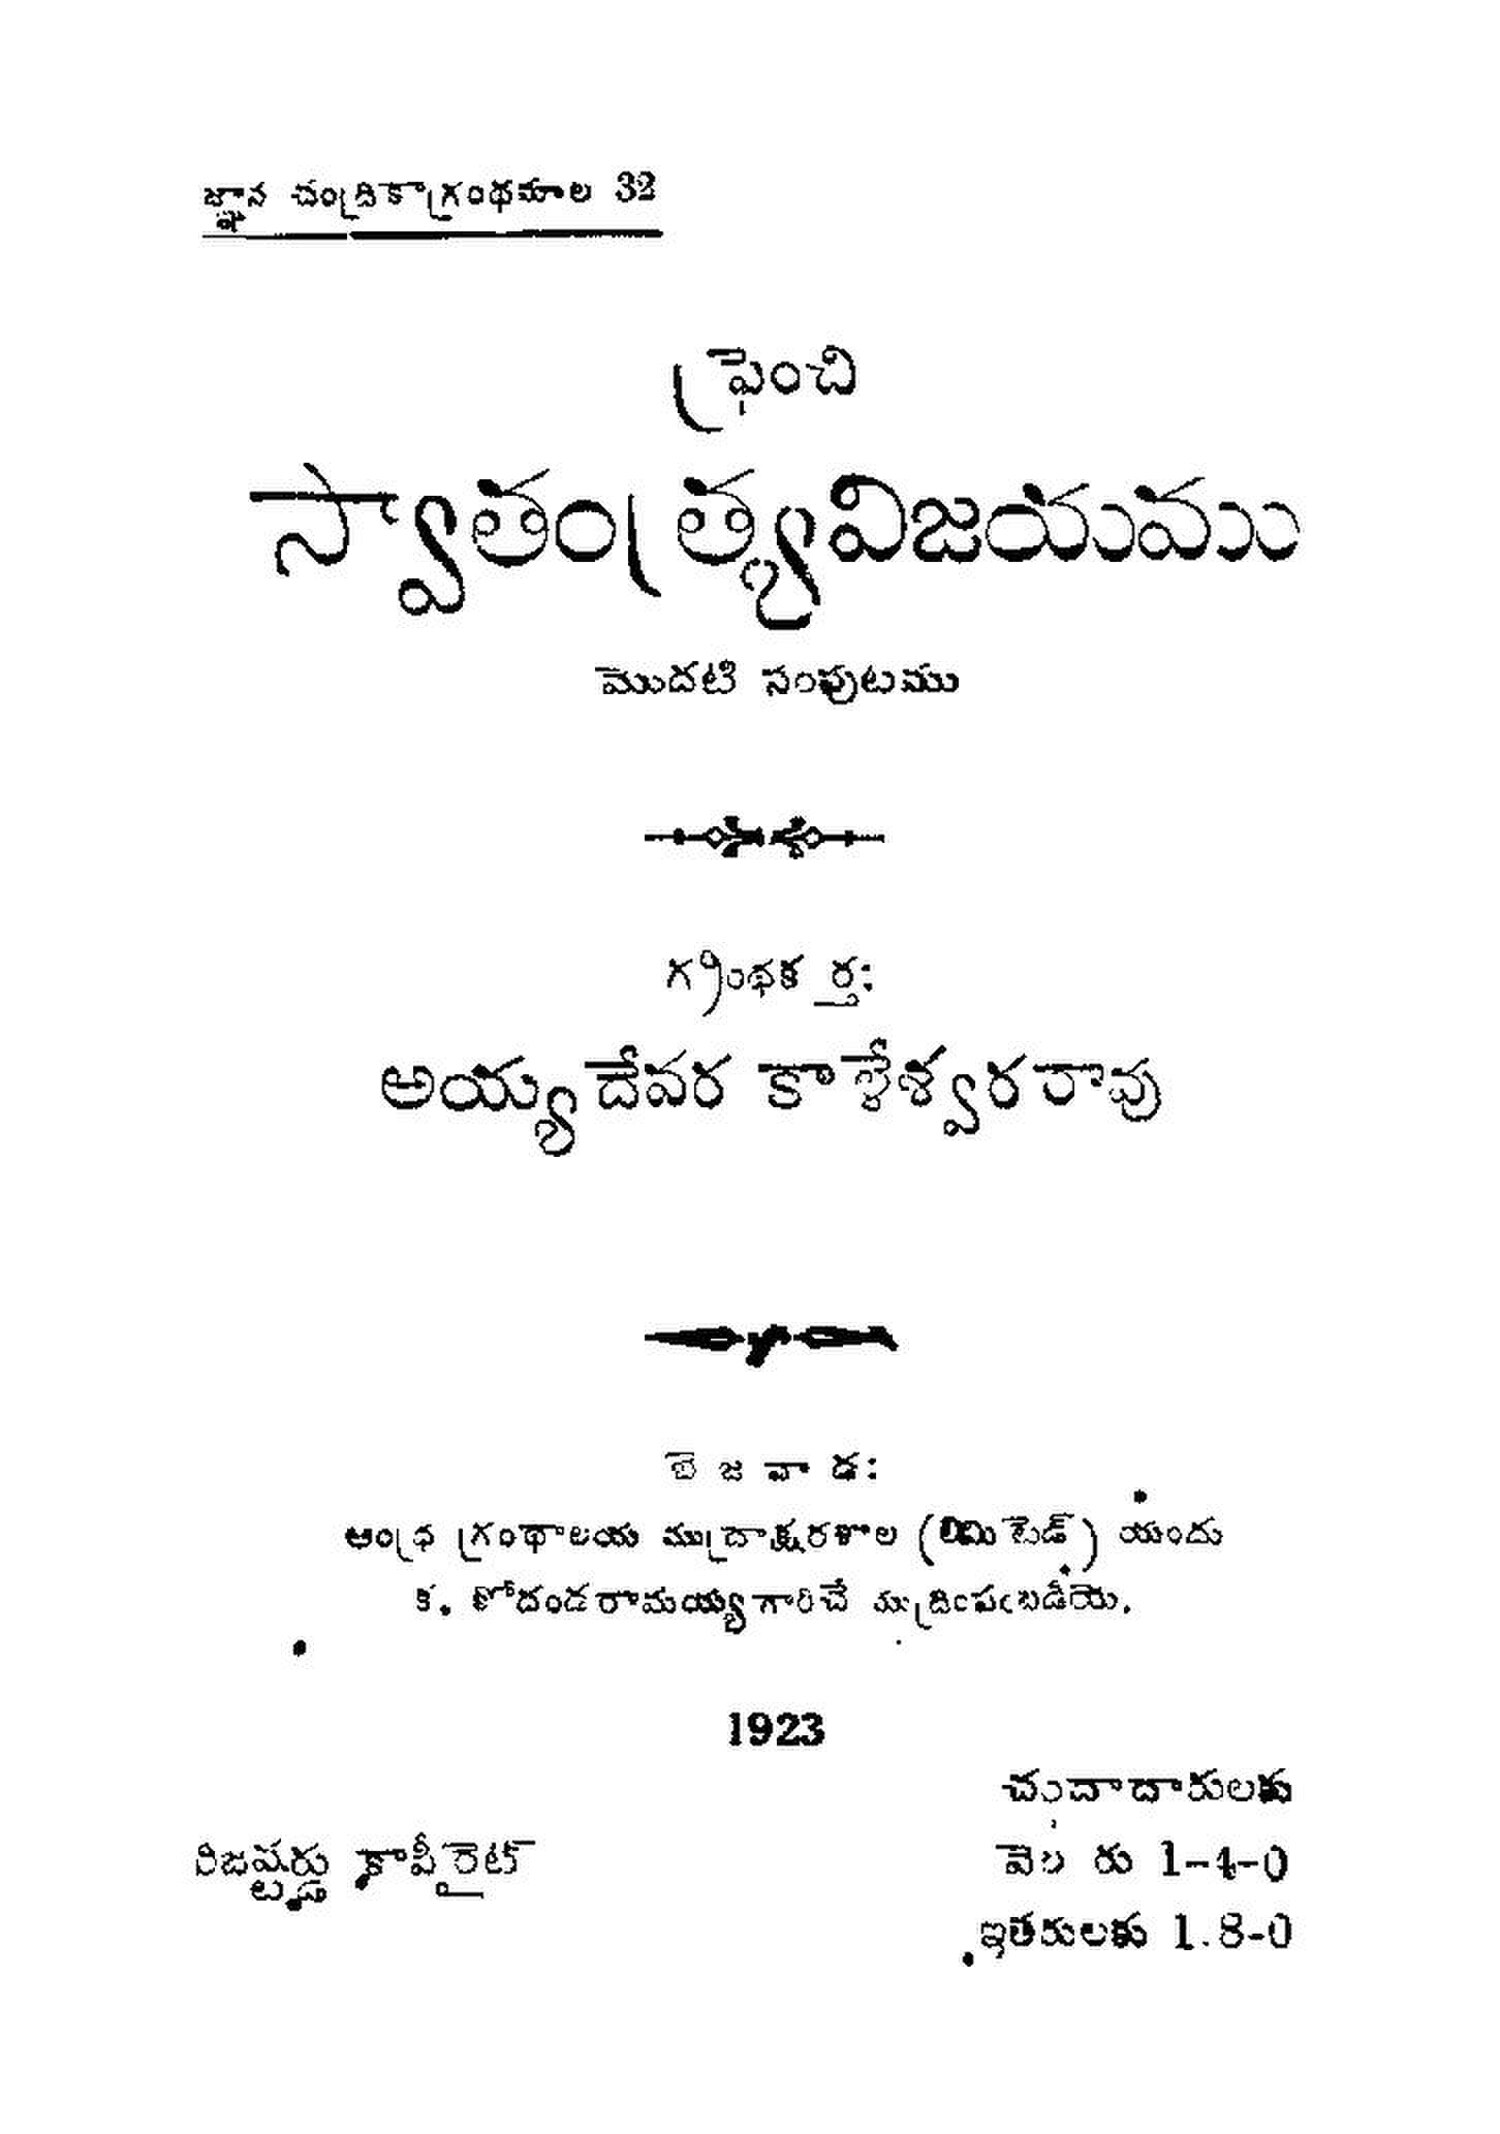విజ్ఞాన చంద్రికా గ్రంథమాల 32